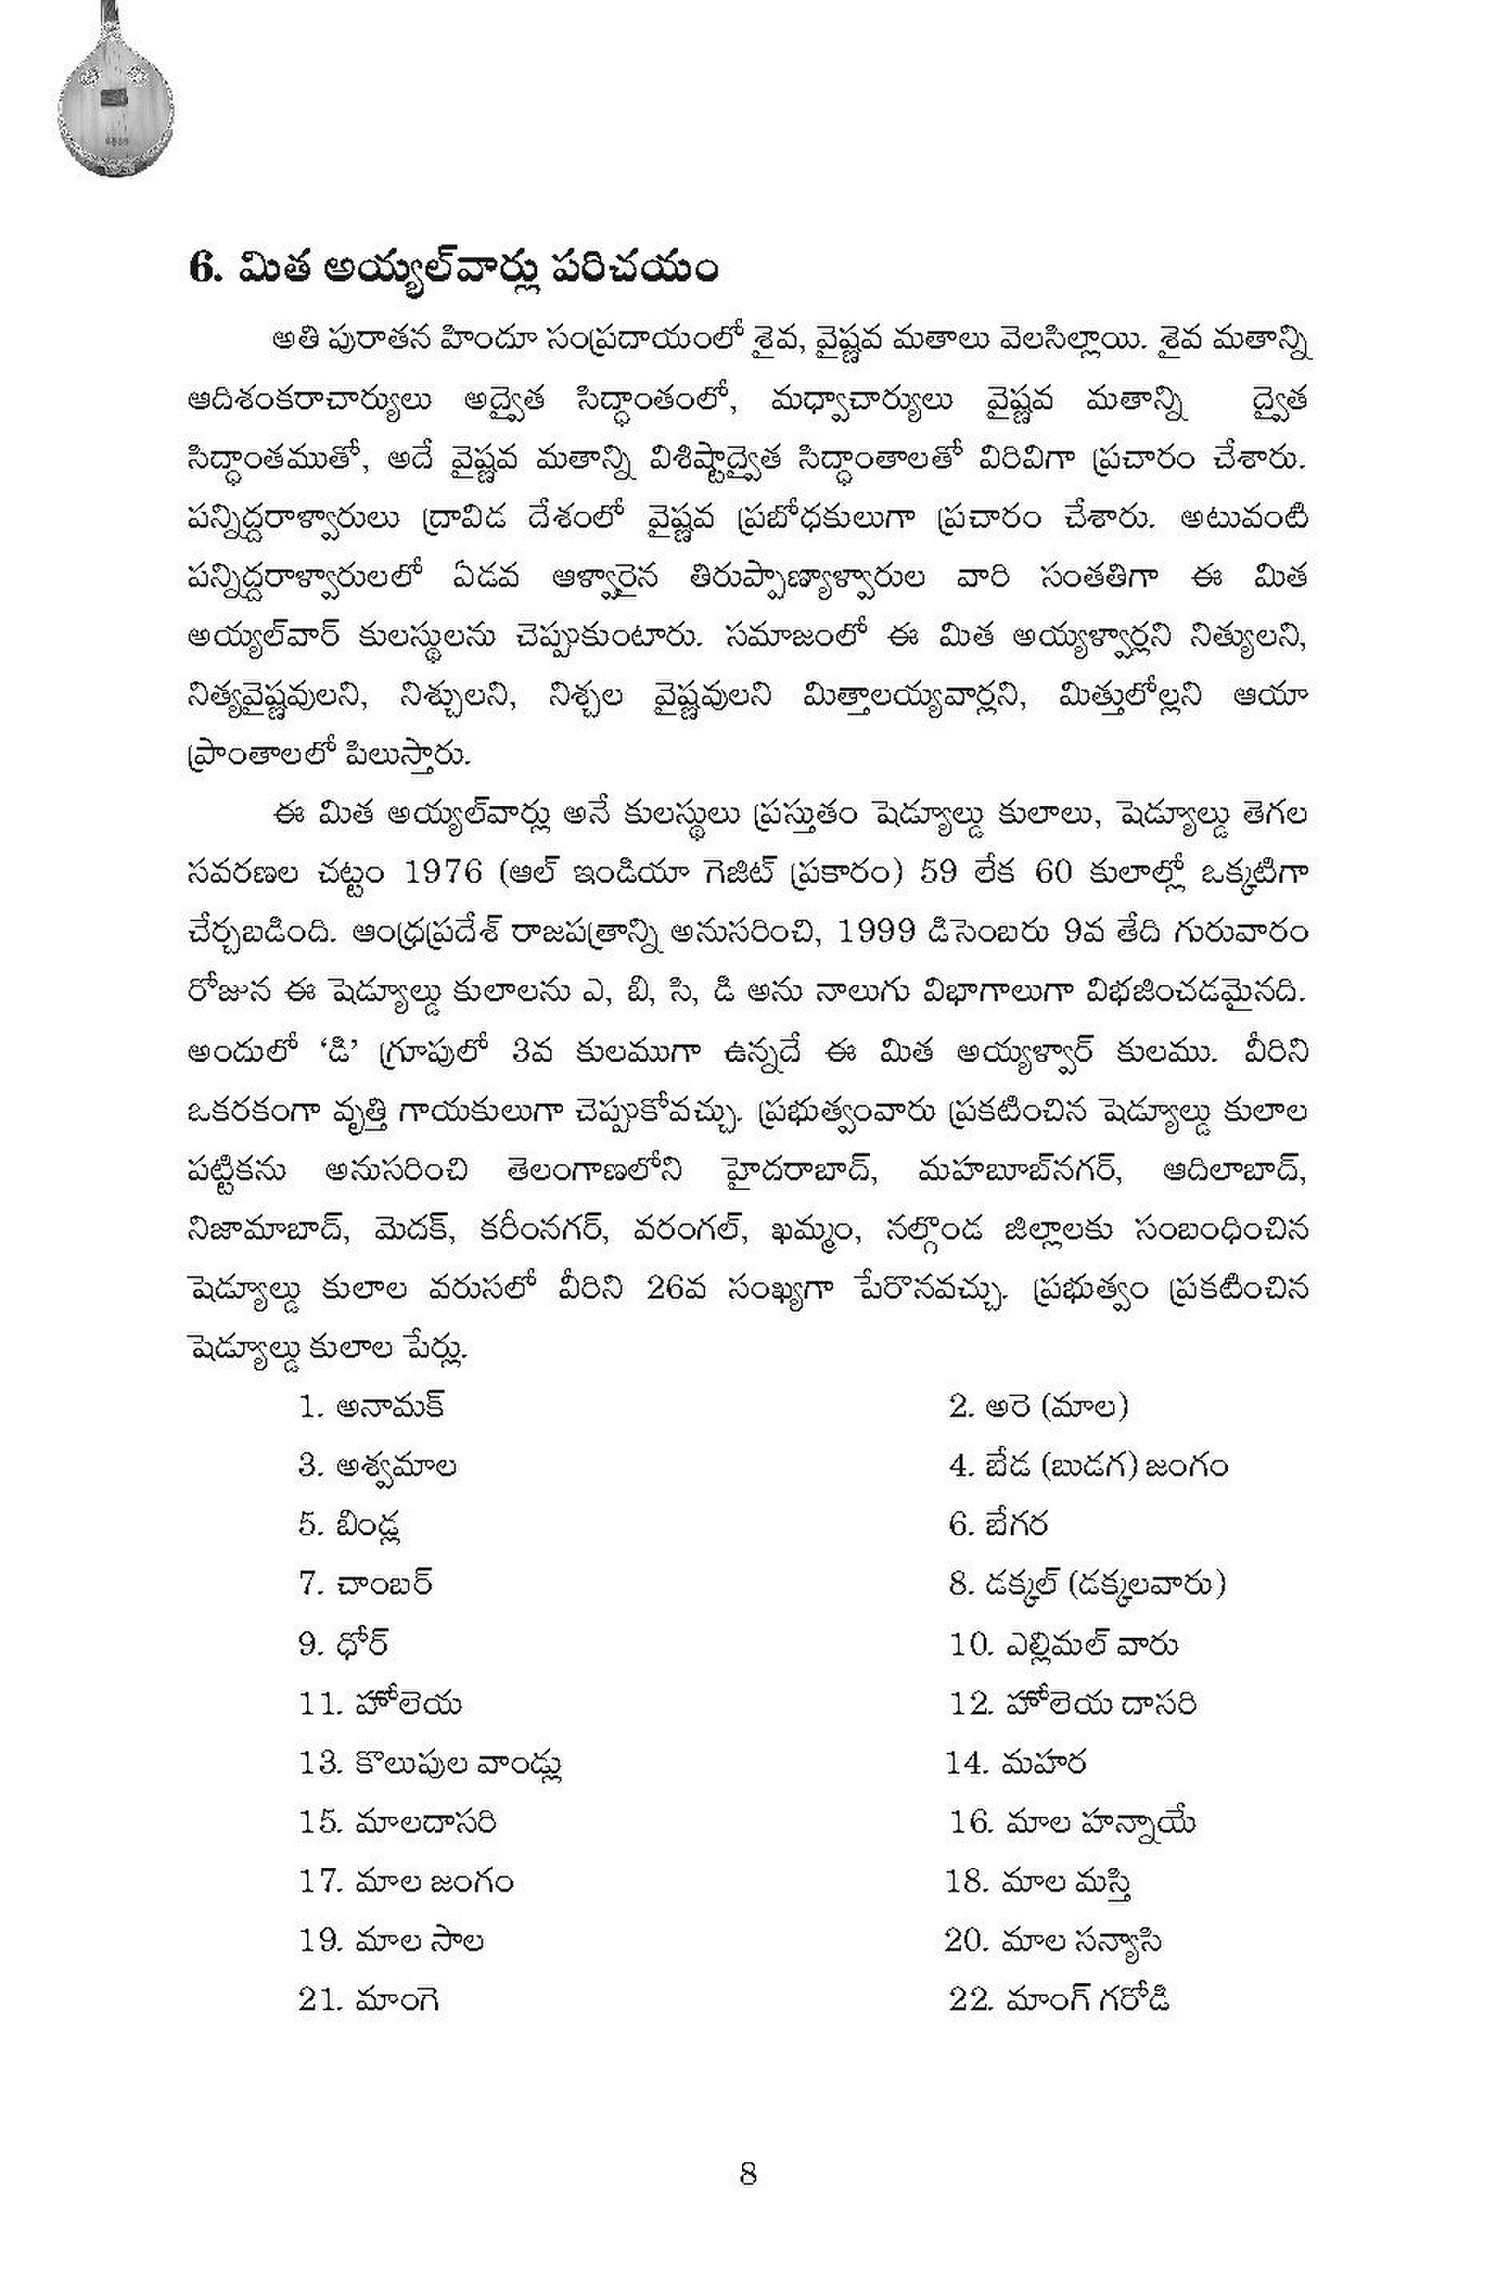6. మిత అయ్యల్ వార్లు పరిచయం 

అతి పురాతన హిందూ సంప్రదాయంలో శైవ, వైష్ణవ మతాలు వెలసిల్లాయి. శైవ మతాన్ని ఆదిశంకరాచార్యులు అద్వైత సిద్ధాంతంలో, మధ్వాచార్యులు వైష్ణవ మతాన్ని ద్వైత సిద్ధాంతముతో, అదే వైష్ణవ మతాన్ని విశిష్టాద్వైత సిద్ధాంతాలతో విరివిగా ప్రచారం చేశారు. పన్నిద్దరాళ్వారులు ద్రావిడ దేశంలో వైష్ణవ ప్రబోధకులుగా ప్రచారం చేశారు. అటువంటి
పన్నిద్దరాళ్వారులలో ఏడవ ఆళ్వారైన తిరుప్పాణ్యాళ్వారులు వారి సంతతిగా ఈ మిత అయ్యల్వార్ కులస్థులను చెప్పుకుంటారు. సమాజంలో ఈ మిత అయ్యళ్వార్లని నిత్యులని, నిత్యవైష్ణవులని, నిశ్చులని, నిశ్చల వైష్ణవులని మిత్తాలయ్యవార్లని, మిత్తులోని ఆయా ప్రాంతాలలో పిలుస్తారు.

ఈ మిత అయ్యల్వార్లు అనే కులస్థులు ప్రస్తుతం షెడ్యూల్డు కులాలు, షెడ్యూల్డు తెగల సవరణల చట్టం 1976 (ఆల్ ఇండియా గెజిట్ ప్రకారం) 59 లేక 60 కులాల్లో ఒక్కటిగాచేర్చబడింది. ఆంధ్రప్రదేశ్ రాజపత్రాన్ని అనుసరించి, 1999 డిసెంబరు 9వ తేది గురువారం రోజున ఈ షెడ్యూల్డు కులాలను ఎ, బి, సి, డి అను నాలుగు విభాగాలుగా విభజించడమైనది. అందులో 'డి' గ్రూపులో 3వ కులముగా ఉన్నదే ఈ మిత అయ్యళ్వార్ కులము. వీరిని ఒకరకంగా వృత్తి గాయకులుగా చెప్పుకోవచ్చు. ప్రభుత్వంవారు ప్రకటించిన షెడ్యూల్డు కులాల పట్టికను అనుసరించి తెలంగాణలోని హైదరాబాద్, మహబూబ్ నగర్, ఆదిలాబాద్,నిజామాబాద్, మెదక్, కరీంనగర్, వరంగల్, ఖమ్మం, నల్గొండ జిల్లాలకు సంబంధించిన షెడ్యూల్డు కులాల వరుసలో వీరిని 26వ సంఖ్యగా పేరొనవచ్చు. ప్రభుత్వం ప్రకటించిన

షెడ్యూల్డు కులాల పేర్లు.

+ Caption text 1. అనామక్ 2. అరె (మాల) 3. అశ్వమాల 4. బేడ (బుడగ జంగం 5. బిండ్ల 6. బేగర 7. చాంబర్ 8. డక్కల్ (డక్కలవారు) 9. ధోర్ 10. ఎల్లిమల్ వారు 11. హోలెయ 12. హోలెయ దాసరి 13. కొలుపుల వాండ్లు 14. మహర 15. మాలదాసరి 16. మాల హన్నాయే 17. మాల జంగం 18. మాల మస్తి 19. మాల సాల 20. మాల సన్యాసి 21. మాంగె 22. మాంగ్ గరోడి 23. మన్నె 24. మస్తి25. మోసాతార్ 26. మిత అయ్యల్వారు27. నాయగార్ 28. సందోళ్ళి
23. మన్నె
25. మోసాతార్
27. నాయగార్
24. మస్తి
26. మిత అయ్యల్వారు
28. సందోళ్ళి